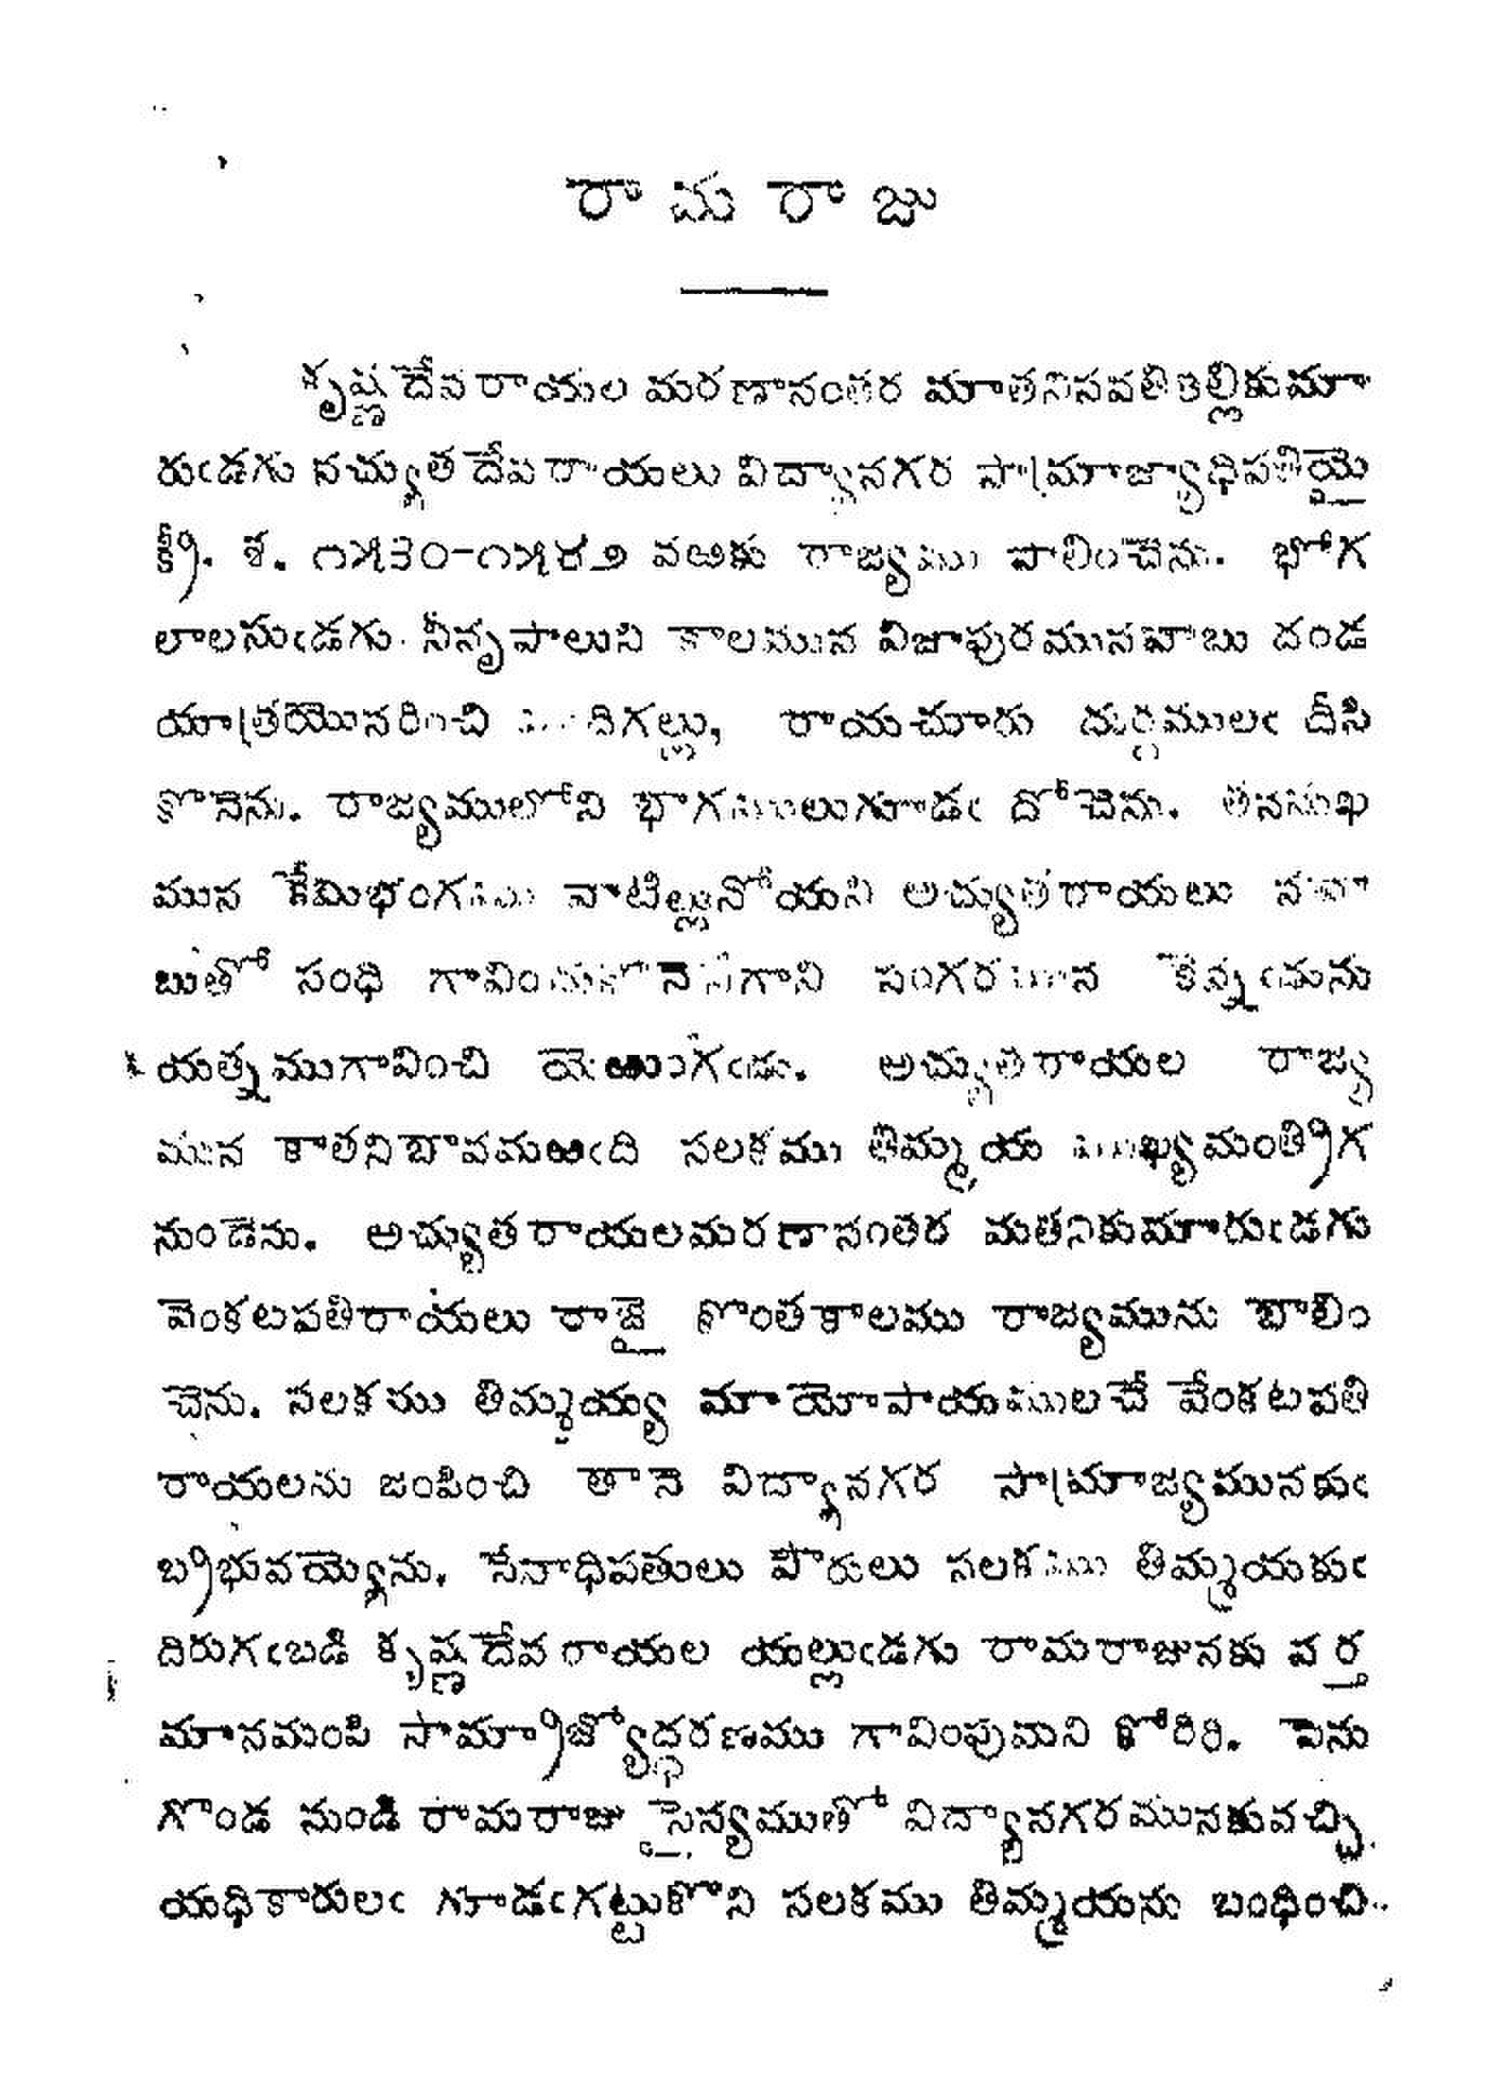కృష్ణదేవరాయల మరణానంతర మాతనిసవతితల్లి కుమారుడగు నచ్యుతదేవరాయలు విద్యానగర సామ్రాజ్యధిపతియై క్రీ.శ. 1530-1542 వఱకు రాజ్యము పాలించెను. భోగలాలసుడగు నీనృపాలుని కాలమున విజాపురమునవాబు దండయాత్రయొనరించి ముదిగల్లు, రాయచూరు దుర్గముల దీసికొనెను. రాజ్యములోని భాగములుగూడ దోచెను. తనసుఖమున కేమిభంగము వాటిల్లునోయని అచ్యుతరాయలు నవాబుతో సంధి గావించుకొనెనేగాని సంగరమున కెన్నడును యత్నముగావించి యెఱుంగడు. అచ్యుతరాయల రాజ్యమున కాతనిబావమఱది సలకము తిమ్మయ ముఖ్యమంత్రిగ నుండెను. అచ్యుతరాయలమరణానంతర మతనికుమారుడగు వెంకటపతిరాయలు రాజై కొంతకాలము రాజ్యమును బాలించెను. సలకము తిమ్మయ్య మాయోపాయములచే వేంకటపతిరాయలను జంపించి తానె విద్యానగర సామ్రాజ్యమునకు బ్రభువయ్యెను. సేనాధిపతులు పౌరులు సలకము తిమ్మయ్యకు దిరుగబడి కృష్ణదేవరాయల యల్లుడగు రామరాజునకు వర్తమానమంపి సామ్రాజ్యోద్ధరణము గావింపుమని కోరిరి. పెనుగొండ నుండి రామరాజు సైన్యముతో విద్యానగరమునకువచ్చి యధికారుల గూడగట్టుకొని సలకము తిమ్మయ్యను బంధించి